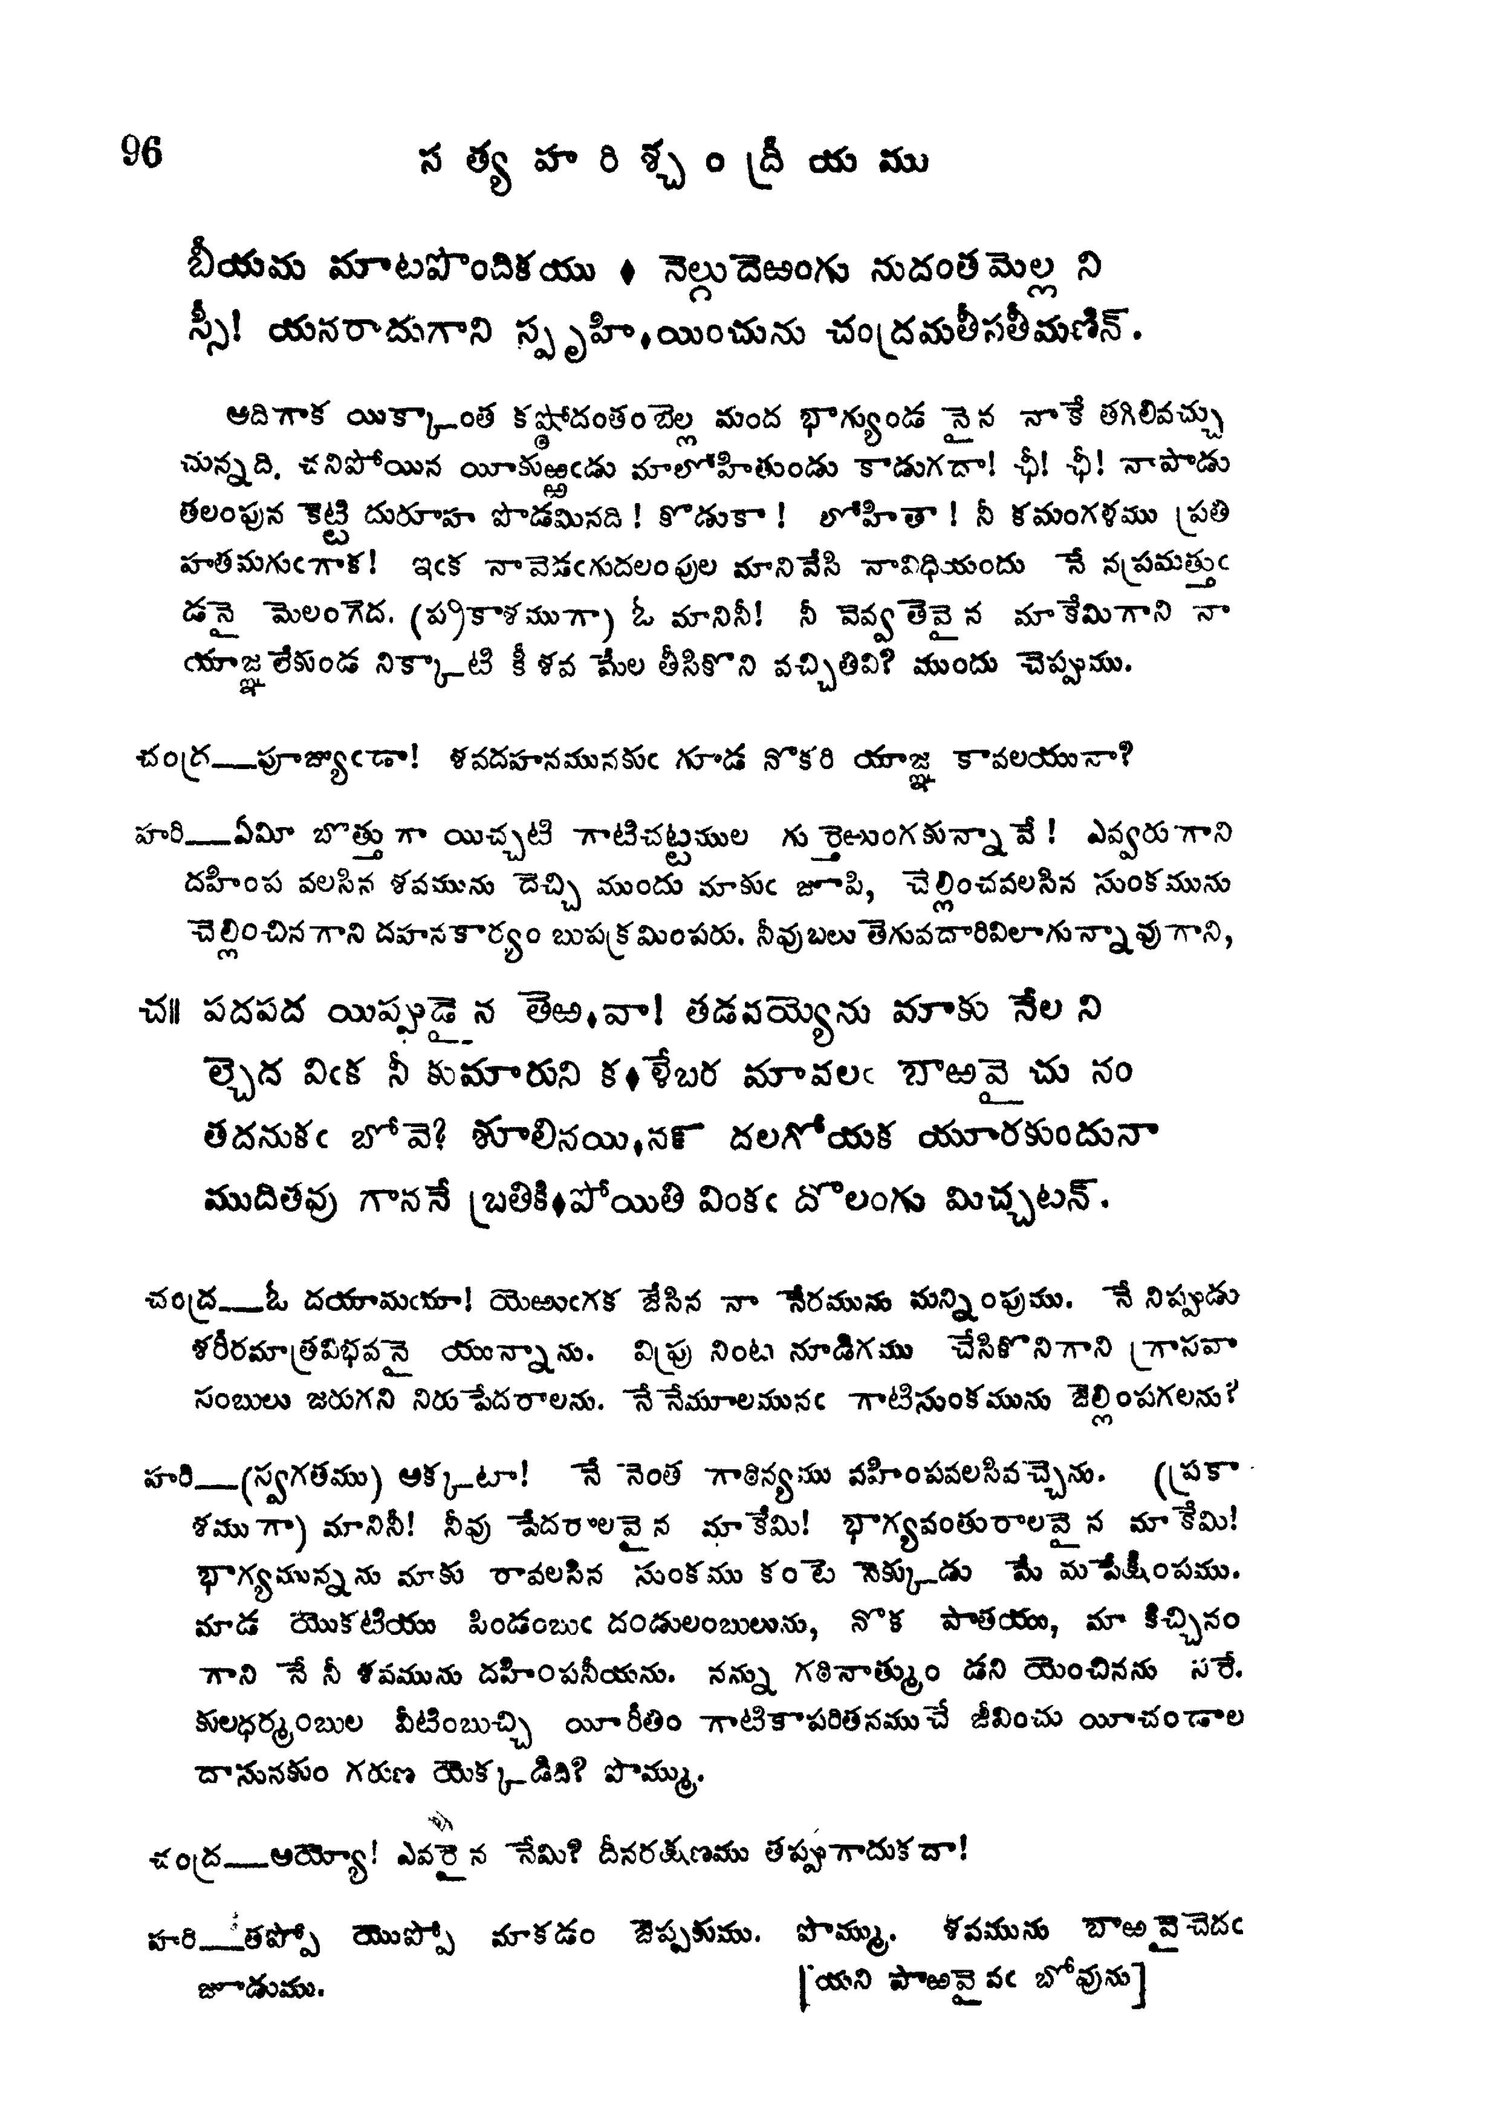బీయమ మాటపొందికయు నెల్గుఁదెఱంగు యుదంతమెల్ల ని
స్సీ యనరాదుగాని స్పృహియించును జంద్రమతీ సతీ మణిన్‌
 

అవిగాక యిక్కాంత కష్టోదంతంబెల్ల మందభాగ్యుండనైన నాకే తగిలి వచ్చుచున్నది. చనిపోయిన యీ కుఱ్ఱడు మా లోహితుడు కాదు గదా? ఛీ! ఛీ! నా పాడు తలంపున కెట్టి దురూహ పొడమినది? కొడుకా! లోహితా నీకమంగళము ప్రతిహతమగుగాక. ఇంక నా వెడగుదలంపుల మానివేసి నా విధియందు నే నప్రమత్తుడై మెలంగెద. (ప్రకాశముగా) ఓ మానినీ! నీవెవ్వతవైన మాకేమి గాని, నా యాజ్ఞ లేకుండ నిక్కాటి కీశవమేల కొనివచ్చితివి? ముందు చెప్పుము.

చంద్ర - 	పూజ్యుడా! శవదహనమునకు గూడ నొకరి యాజ్ఞ కావలయునా?

హరి - ఏమీ! బొత్తిగా నిచ్చటి కాటిచట్టముల గుర్తెఱుంగకున్నావే! ఎవ్వరు గాని దహింపవలసిన శవమును దెచ్చి ముందు మాకు జూపి, చెల్లింప వలసిన సుంకమును చెల్లించిగాని దహనకార్యం బుపక్రమింపరు. నీవు బలు తెగువ దానివిలా గున్నావు కాని

 
చ. 	పదపద యిప్పటికైనఁ దెఱవా! తడవయ్యెను మాకు నేల ని
ల్చెదవిఁక? నీ కుమారుని కళేబర మావల బాఱవైచునం
త దనుకఁ బోవె? శూలినయినన్‌ దలగోయక యూరకుందునా
ముదితవుగాననే బ్రతికిపోయితి వింక దొలంగు మిచ్చటన్‌.
 

చంద్ర - 	ఓ దయామయా! ఎఱుగక చేసిన నా నేరమును మన్నింపుము. నేనిప్పుడు శరీర మాత్ర విభవనై యున్నాను. విప్రు నింట నూడిగము చేసి కొనినగాని, గ్రాసవాసంబులు జరుగని నిరుపేదరాలను, నేనే మూలమునఁ గాటి సుంకమునుఁ జెల్లింపగలను?

హరి - 	(స్వగతము) అకటా! నేనెంత కాఠిన్యము వహింపవలసి వచ్చెను. (ప్రకాశముగా) మానినీ! నీవు పేదరాలవైన మాకేమి? భాగ్యవంతురాలవైన మాకేమి? భాగ్యమున్నను రావలసిన సుంకము కంటె నెక్కుడు మేమపేక్షింపము. మాడయొకటి, పిండంబు, దండులంబులును, నొక పాతయు మా కిచ్చినంగాని నేనీ శవమును
దహింపనీయను. నన్నుఁ గఠినాత్ముండని యెంచినను సరే, కులధర్మంబు నీటింబుచ్చి యీ రీతిం గాటి కాపరితనముచే జీవించు నీ చండాల దాసునకుం గరుణ యెక్కడిది? పొమ్ము.

చంద్ర - 	అయ్యో! ఎవ్వరైననేమి? దీనరక్షణము తప్పుగాదు కదా!

హరి - 	తప్పో యొప్పో మాకడఁ జెప్పకుము. పొమ్ము శవమును బాఱ వైచెదఁ చూడుము. (అని పాఱవైవఁ బోవును)